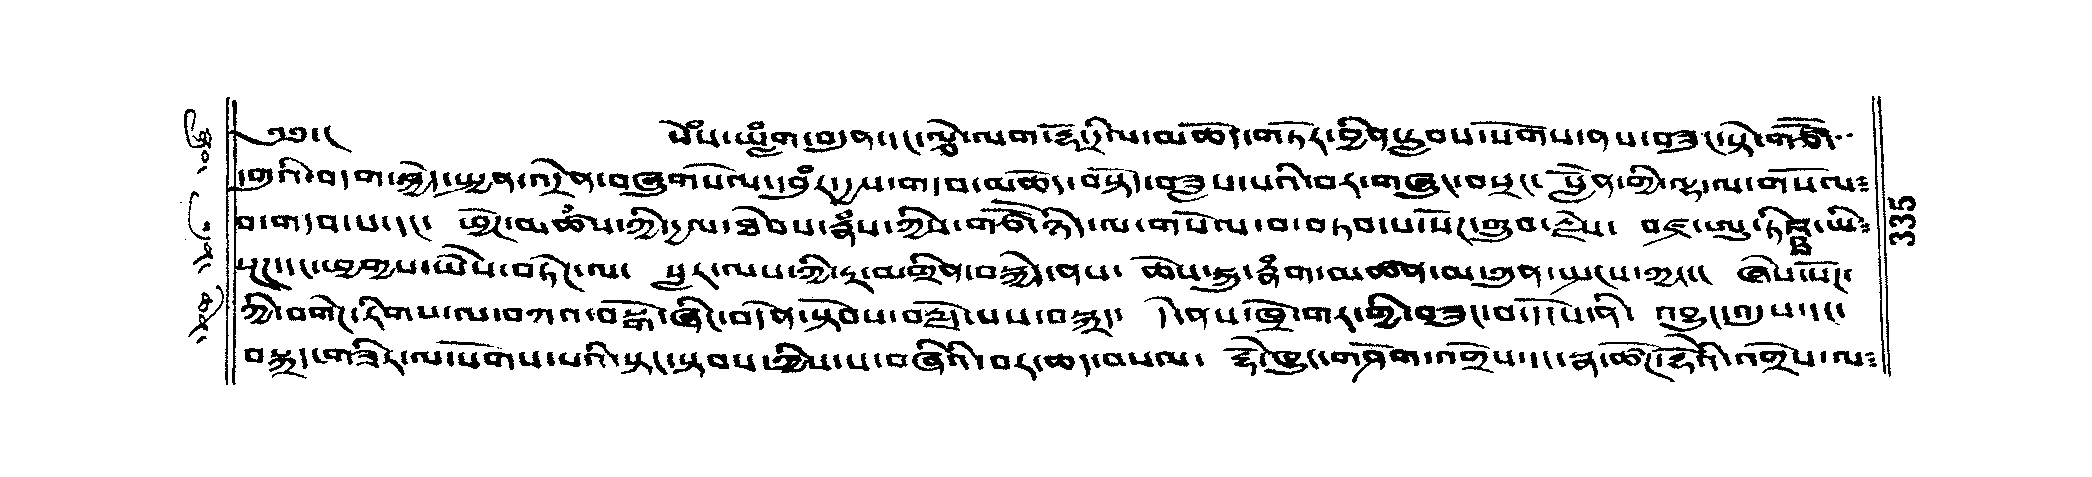སེམས་ཡན་ལག་བདུན་དང་ལྕེ་ལག་རྡོར་དྲིལ་མཆོད་གཏོར་བྱིན་རླབས་སོགས་ནས་བཟུང་སྟེ་གཙོ་བོ་
དགུའི་བདག་བསྐྱེད་སྤྱན་འདྲེན་བཞུགས་གསོལ་དབང་བསྐུར་རྒྱས་གདབ་མཆོད་བསྟོད་བཟླས་པའི་བར་གཞུང་བསྲང་། སློབ་དཔོན་གྱི་ལྷ་ལ་གསོལ་
བ་གདབ་པ་དང་།ཕྱོགས་མཚམས་ཀྱི་རྒྱལ་ཐེབས་རྣམས་ཀྱིས་གཙོ་བོ་ཉིད་ལ་གསོལ་བ་བཏབ་པ་སོགས་གྲུབ་རྗེས་བཛྲ་ཨུ་ཏིཥྛ་ཡི་
སྔགས་དང་ཕྱག་རྒྱས་ཡེ་ཤེས་བཏེགས་ལ། སླར་ལས་ཀྱི་རྟ་མགྲིན་བསྐྱེད་ནས། ཆོས་སྐུ་རྣམ་དག་མཚན་མ་ཀུན་སྤངས་ཀྱང་། །ཞེས་སོགས་
ཀྱི་བགེགས་རིགས་ལ་བཀའ་བསྒོ་ཞིང་བདེན་སྟོབས་བརྗོད་པས་བསྐྲད། དེ་ནས་ཁྲོ་གར་གྱི་བཟུང་བ་དངོས་ནི། འབྱུང་འདུས་དང་
བསྐྲད་གཟིར་ལ་སོགས་པའི་སྟངས་སྟབས་ཀྱིས་ས་གཞིའི་བར་ཆད་བསལ། རྡོ་རྗེ་ཁྱུང་གཤོག་འགྲོས་དང་སྣ་ཚོགས་རྡོ་རྗེའི་འགྲོས་ལ་